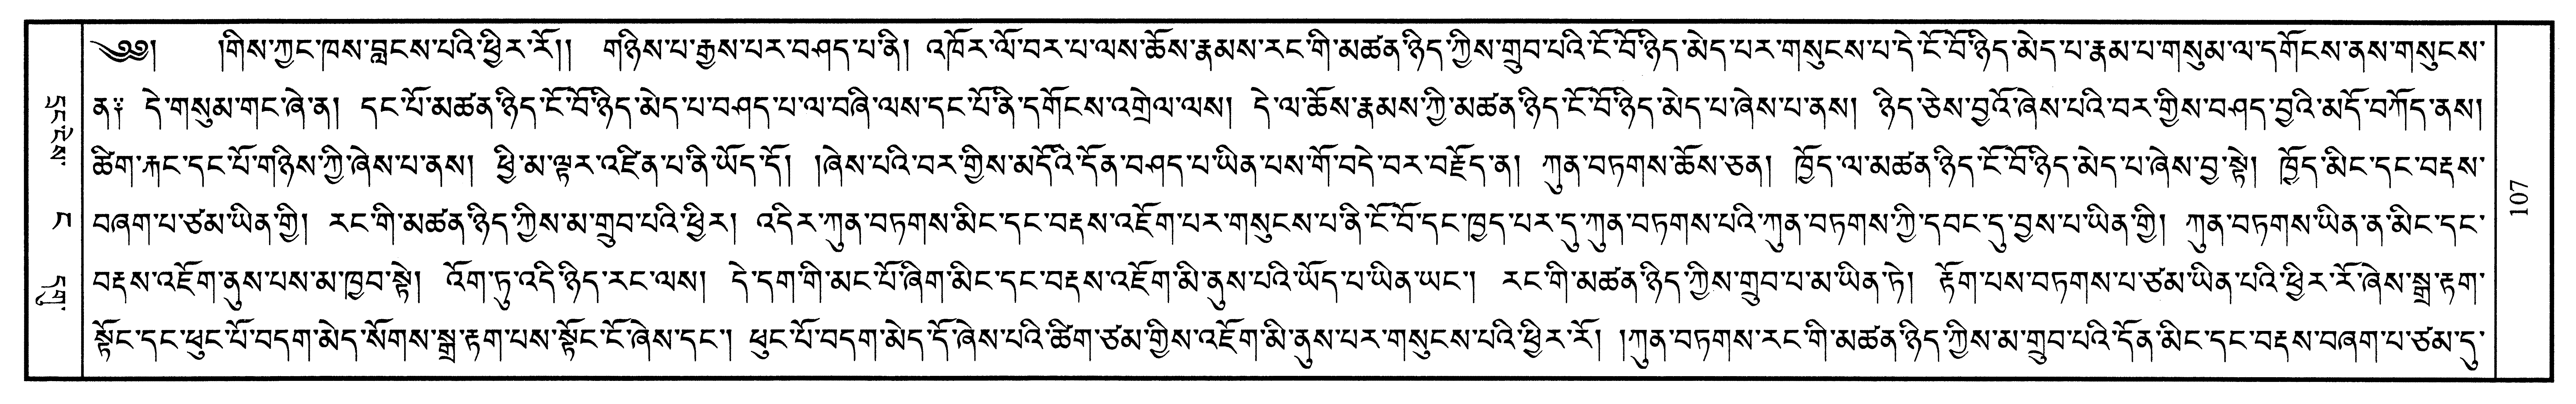༄༅། །གིས་ཀྱང་ཁས་བླངས་པའི་ཕྱིར་རོ།། གཉིས་པ་རྒྱས་པར་བཤད་པ་ནི། འཁོར་ལོ་བར་པ་ལས་ཆོས་རྣམས་རང་གི་མཚན་ཉིད་ཀྱིས་གྲུབ་པའི་ངོ་བོ་ཉིད་མེད་པར་གསུངས་པ་དེ་ངོ་བོ་ཉིད་མེད་པ་རྣམ་པ་གསུམ་ལ་དགོངས་ནས་གསུངས་
ན༑ དེ་གསུམ་གང་ཞེ་ན། དང་པོ་མཚན་ཉིད་ངོ་བོ་ཉིད་མེད་པ་བཤད་པ་ལ་བཞི་ལས་དང་པོ་ནི་དགོངས་འགྲེལ་ལས། དེ་ལ་ཆོས་རྣམས་ཀྱི་མཚན་ཉིད་ངོ་བོ་ཉིད་མེད་པ་ཞེས་པ་ནས། ཉིད་ཅེས་བྱའོ་ཞེས་པའི་བར་གྱིས་བཤད་བྱའི་མདོ་བཀོད་ནས།
ཚིག་རྐང་དང་པོ་གཉིས་ཀྱི་ཞེས་པ་ནས། ཕྱི་མ་ལྟར་འཛིན་པ་ནི་ཡོད་དོ། །ཞེས་པའི་བར་གྱིས་མདོའི་དོན་བཤད་པ་ཡིན་པས་གོ་བདེ་བར་བརྗོད་ན། ཀུན་བཏགས་ཆོས་ཅན། ཁྱོད་ལ་མཚན་ཉིད་ངོ་བོ་ཉིད་མེད་པ་ཞེས་བྱ་སྟེ། ཁྱོད་མིང་དང་བརྡས་
བཞག་པ་ཙམ་ཡིན་གྱི། རང་གི་མཚན་ཉིད་ཀྱིས་མ་གྲུབ་པའི་ཕྱིར། འདིར་ཀུན་བཏགས་མིང་དང་བརྡས་འཇོག་པར་གསུངས་པ་ནི་ངོ་བོ་དང་ཁྱད་པར་དུ་ཀུན་བཏགས་པའི་ཀུན་བཏགས་ཀྱི་དབང་དུ་བྱས་པ་ཡིན་གྱི། ཀུན་བཏགས་ཡིན་ན་མིང་དང་
བརྡས་འཇོག་ནུས་པས་མ་ཁྱབ་སྟེ། འོག་ཏུ་འདི་ཉིད་རང་ལས། དེ་དག་གི་མང་པོ་ཞིག་མིང་དང་བརྡས་འཇོག་མི་ནུས་པའི་ཡོད་པ་ཡིན་ཡང་། རང་གི་མཚན་ཉིད་ཀྱིས་གྲུབ་པ་མ་ཡིན་ཏེ། རྟོག་པས་བཏགས་པ་ཙམ་ཡིན་པའི་ཕྱིར་རོ་ཞེས་སྒྲ་རྟག་
སྟོང་དང་ཕུང་པོ་བདག་མེད་སོགས་སྒྲ་རྟག་པས་སྟོང་ངོ་ཞེས་དང་། ཕུང་པོ་བདག་མེད་དོ་ཞེས་པའི་ཚིག་ཙམ་གྱིས་འཇོག་མི་ནུས་པར་གསུངས་པའི་ཕྱིར་རོ། །ཀུན་བཏགས་རང་གི་མཚན་ཉིད་ཀྱིས་མ་གྲུབ་པའི་དོན་མིང་དང་བརྡས་བཞག་པ་ཙམ་དུ་